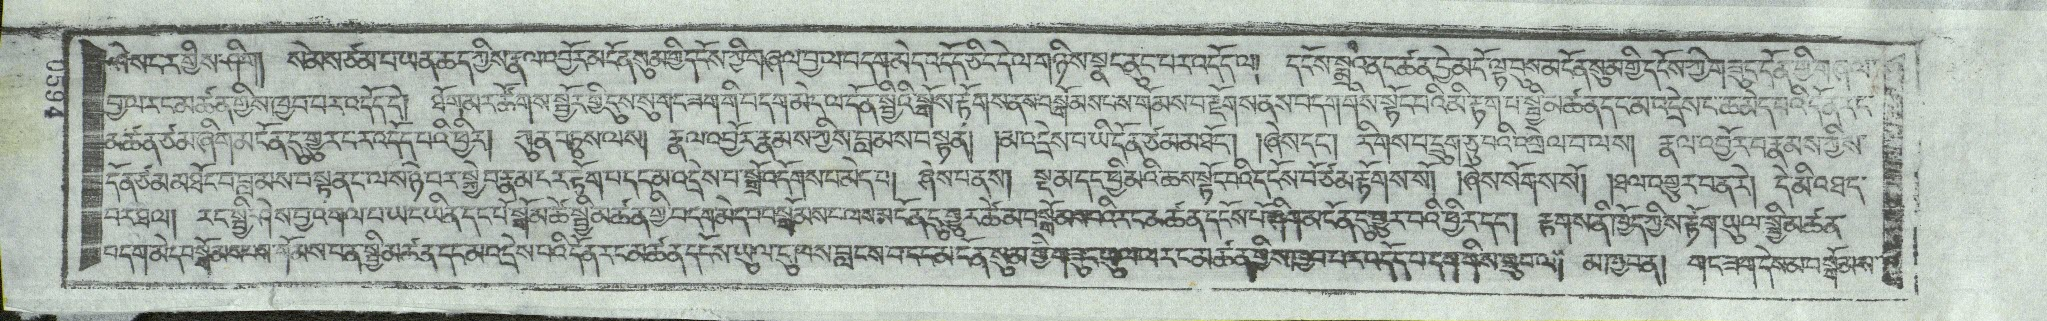ཤེས་པར་གྱིས་ཤིག་སེམས་ཙམ་པ་ཡན་ཆད་ཀྱིས་རྣལ་འབྱོར་མངོན་སུམ་གྱི་དངོས་ཀྱི་གཞལ་བྱ་ལ་བདག་མེད་འདོད་ཅིང་དེ་ལ་གཉིས་སྣང་ནུབ་པར་འདོད་ལ། དངོས་སྨྲའི་ནང་ཚན་བྱེ་མདོ་ལྟ་བུས་མངོན་སུམ་གྱི་དངོས་ཀྱི་གཟུང་དོན་གྱི་གཞལ་
བྱ་ལ་རང་མཚན་གྱིས་ཁྱབ་པར་འདོད་དེ། ཐོག་མར་ཚོགས་སྦྱོར་གྱི་དུས་སུ་གང་ཟག་གི་བདག་མེད་ལ་དོན་སྤྱིའི་སྒོས་རྟོགས་ནས་བསྒོམས་པས་གོམས་པ་རྫོགས་ནས་བདག་གིས་སྟོང་པའི་མི་རྟག་པ་སྤྱི་མཚན་དང་མ་འདྲེས་པ་ཆ་མེད་པའི་དོན་རང་
མཚན་ཙམ་ཞིག་མངོན་དུ་གྱུར་པར་འདོད་པའི་ཕྱིར། ཀུན་བཏུས་ལས། རྣལ་འབྱོར་རྣམས་ཀྱིས་བླ་མས་བསྟན། །མ་འདྲེས་པ་ཡི་དོན་ཙམ་མཐོང་། །ཞེས་དང་། རིགས་པ་དྲུག་ཅུ་པའི་འགྲེལ་བ་ལས། རྣལ་འབྱོར་བ་རྣམས་ཀྱིས་
དོན་ཙམ་མཐོང་བ་བླ་མས་བསྟན་པ་ལས་ཉེ་བར་སྐྱེ་བ་རྣམ་པར་རྟོག་པ་དང་མ་འདྲེས་པ་སྒྲོ་འདོགས་པ་མེད་པ། ཞེས་པ་ནས། སྔ་མ་དང་ཕྱི་མའི་ཆས་སྟོང་པའི་དངོས་པོ་ཙམ་རྟོགས་སོ། །ཞེས་སོགས་སོ། །ཐལ་འགྱུར་པ་ན་རེ། དེ་མི་འཐད་
པར་ཐལ། རང་སྤྱི་ཤེས་བྱ་འགལ་པ་ཡང་ཡིན་དང་པོ་སྒོམ་ཚེ་སྤྱི་མཚན་གྱི་བདག་མེད་པ་བསྒོམས་པ་ལས་མངོན་དུ་གྱུར་ཚེ་མ་བསྒོམས་པའི་རང་མཚན་དངོས་པོ་ཞིག་མངོན་དུ་གྱུར་བའི་ཕྱིར་དང་། རྟགས་ནི་ཁྱོད་ཀྱིས་རྟོག་ཡུལ་སྤྱི་མཚན་
བདག་མེད་བསྒོམས་པས་གོམས་པ་ན་སྤྱི་མཚན་དང་མ་འདྲེས་པའི་དོན་རང་མཚན་དངོས་ཡུལ་དུ་ཁས་བླངས་པ་དང་མངོན་སུམ་གྱི་གཟུང་ཡུལ་ལ་རང་མཚན་གྱིས་ཁྱབ་པར་འདོད་པ་དག་གིས་གྲུབ་ལ། མ་ཁྱབ་ན། གང་ཟག་དེས་མ་བསྒོམས་